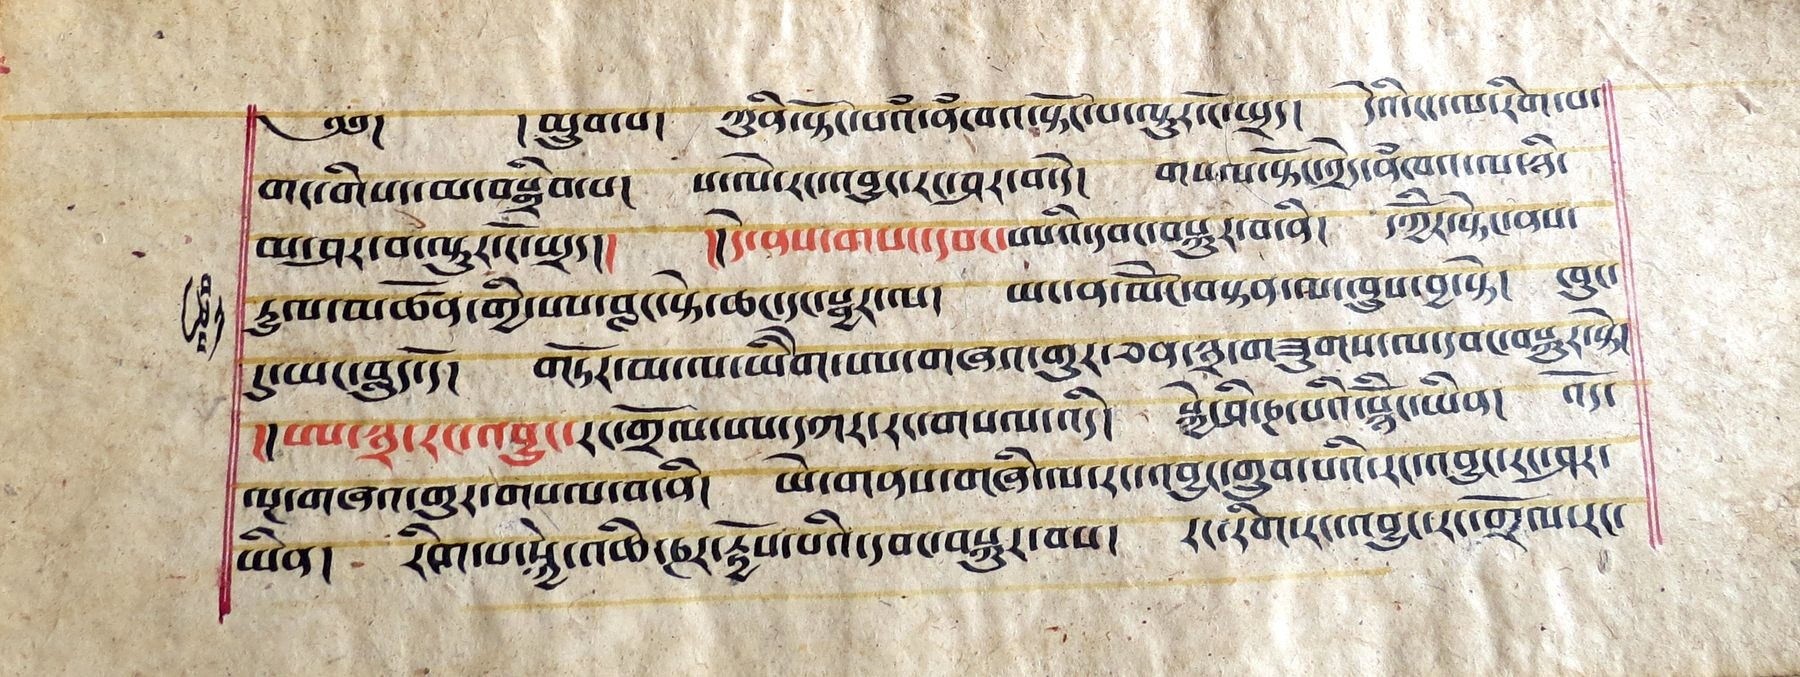མ་གྲུབ་པར། ཀུན་གཞི་སྟོང་པའམ་ནམ་མཁའ་ལྟ་བུར་ངོ་སྤྲད། དེའི་ངང་ལ་རིག་པ་
གང་གིས་མ་བསྒྲིབས་པར་སལེ་རང་འབྱུང་རང་ཤར་བ་དེ། གསལ་སྟོང་གཉིས་མེད་ནམ་མཁའ་ལ་ཉི་
མ་ཤར་བ་ལྟ་བུར་ངོ་སྤྲད། དེ་ནས་གསང་དབང་ཨའི་དབང་བསྐུར་བ་ནི། དཀྱིལ་འཁོར་གྱི་སྟེང་ནས་
རྡུལ་ཚོན་གྱི་ཨ་བླངས་ལ་ཆང་དང་སྦྱར་ལ། ། ཡང་ན་མེ་ལོང་བསྟན་ལ་ཁྲུས་བྱ་སྟེ། ཁུང་
དུ་བླུད་དོ། ། གཏོར་མ་ལ་ཡི་གེ་ཨ་གཞའ་གུར་ཅན་གསུམ་གཟུགས་ལ་དབང་བསྐུར་སྟེ། 
ཨ་གསུམ་རང་འབྱུང་རང་གྲོལ་ཨ་དཀར་རང་གསལ་འདི། སྐྱེ་ཤི་མེད་པ་རིག་པའི་སྙིང་པོ་ཡིན། འོད
ལྔ་གཞའ་གུར་གསལ་བ་ནི། ཡེ་ནས་གཞི་ལ་རང་འབྱུང་དུ་གྲུབ་པའི་རང་འབྱུང་རང་ཤར་
ཡིན། རིག་པ་སྐྱེ་ཤི་མེད་པ་རྟོགས་པའི་དབང་བསྐུར་བས། རང་རིག་རང་འབྱུང་རང་གྲོལ་རང་